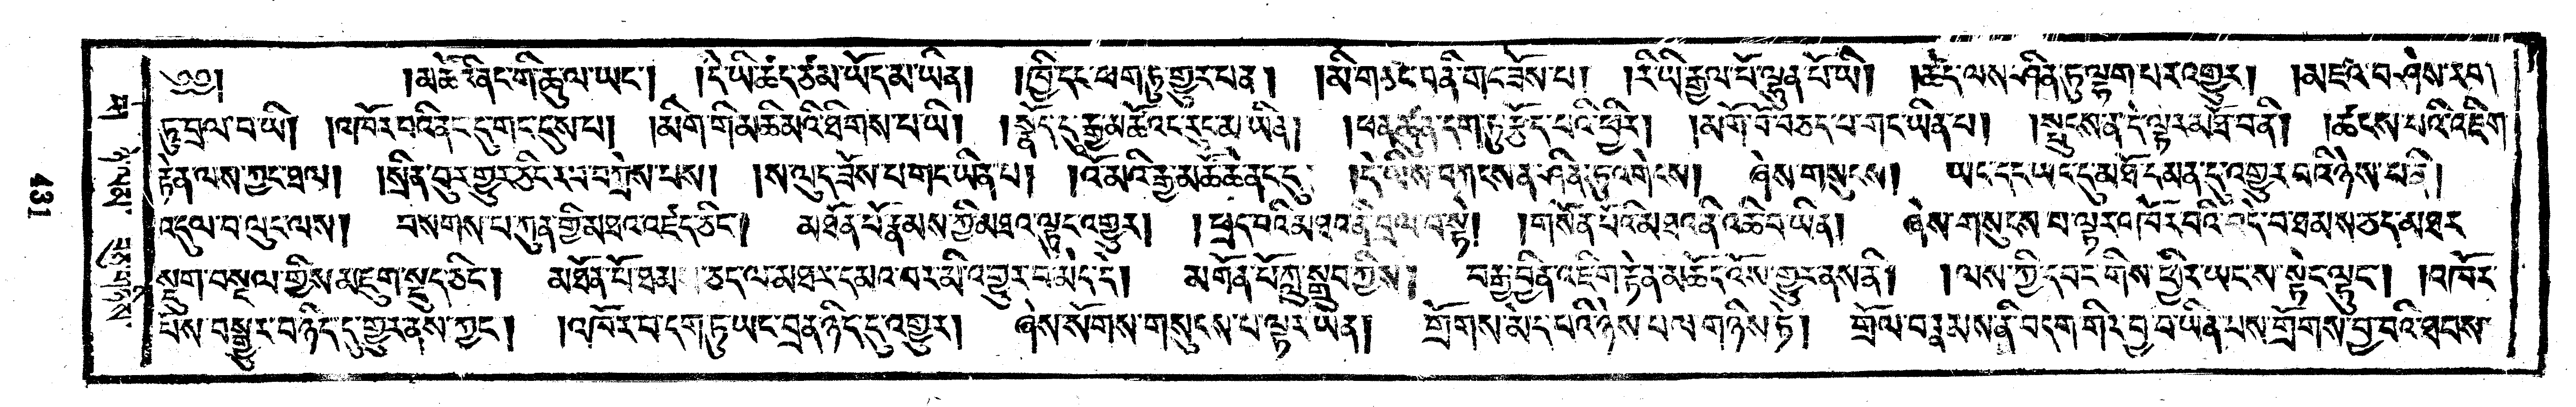༄༅། །མཚོའི་ནང་གི་ཆུ་ལ་ཡང་། །དེ་ཡི་ཚད་ཙམ་ཡོད་མ་ཡིན། །ཁྱི་དང་ཕག་ཏུ་གྱུར་པ་ན། །མི་གཙང་བ་ནི་གང་ཟོས་པ། །རི་ཡི་རྒྱལ་པོ་ལྷུན་པོ་ཡི། །ཚད་ལས་ཤིན་ཏུ་ལྷག་པར་འགྱུར། །མཛའ་བཤེས་རབ།
ཏུ་བྲལ་བ་ཡི། །འཁོར་བའི་ནང་དུ་གང་དུས་པ། །མིག་གི་མཆི་མའི་ཐིགས་པ་ཡི། །སྣོད་དུ་རྒྱ་མཚོའང་རུང་མ་ཡིན། །ཕན་ཚུན་དག་ཏུ་རྩོད་པའི་ཕྱིར། །མགོ་བོ་བཅད་པ་གང་ཡིན་པ། །སྤུངས་ན་དེ་ལྟར་མཐོ་བ་ནི། །ཚངས་པའི་འཇིག་
རྟེན་ལས་ཀྱང་ཐལ། །སྲིན་བུར་གྱུར་ཅིང་རབ་བཀྲེས་པས། །ས་ལུད་ཟོས་པ་གང་ཡིན་པ། །འོ་མའི་རྒྱ་མཚོ་ཆེ་ནང་དུ། །དེ་ཡིས་བཀངས་ན་ཤིན་ཏུ་འགེངས། ཞེས་གསུངས། ཡང་དང་ཡང་དུ་མཐོ་དམན་དུ་འགྱུར་བའི་ཉེས་པ་ནི།
འདུལ་བ་ལུང་ལས། བསགས་པ་ཀུན་གྱི་མཐའ་འཛད་ཅིང་། མཐོན་པོ་རྣམས་ཀྱི་མཐའ་ལྟུང་འགྱུར། །ཕྲད་བའི་མཐའ་ནི་བྲལ་བ་སྟེ། །གསོན་པོའི་མཐའ་ནི་འཆི་བ་ཡིན། ཞེས་གསུངས་པ་ལྟར་འཁོར་བའི་བདེ་བ་ཐམས་ཅད་མཐར་
སྡུག་བསྔལ་གྱིས་མཇུག་སྡུད་ཅིང་། མཐོན་པོ་ཐམས་ཅད་ལ་མཐར་དམའ་བར་མི་འགྱུར་བ་མེད་དེ། མགོན་པོ་ཀླུ་སྒྲུབ་ཀྱིས། བརྒྱ་བྱིན་འཇིག་རྟེན་མཆོད་འོས་གྱུར་ནས་ནི། །ལས་ཀྱི་དབང་གིས་ཕྱིར་ཡང་ས་སྟེང་ལྟུང་། །འཁོར་
པོས་བསྒྱུར་བ་ཉིད་དུ་གྱུར་ནས་ཀྱང་། །འཁོར་བ་དག་ཏུ་ཡང་བྲན་ཉིད་དུ་འགྱུར། ཞེས་སོགས་གསུངས་པ་ལྟར་ཡིན། གྲོགས་མེད་པའི་ཉེས་པ་ལ་གཉིས་ཏེ། གྲོལ་བ་རྣམས་ནི་བདག་གིར་བྱ་བ་ཡིན་པས་གྲོགས་བྱ་བའི་ཐབས་